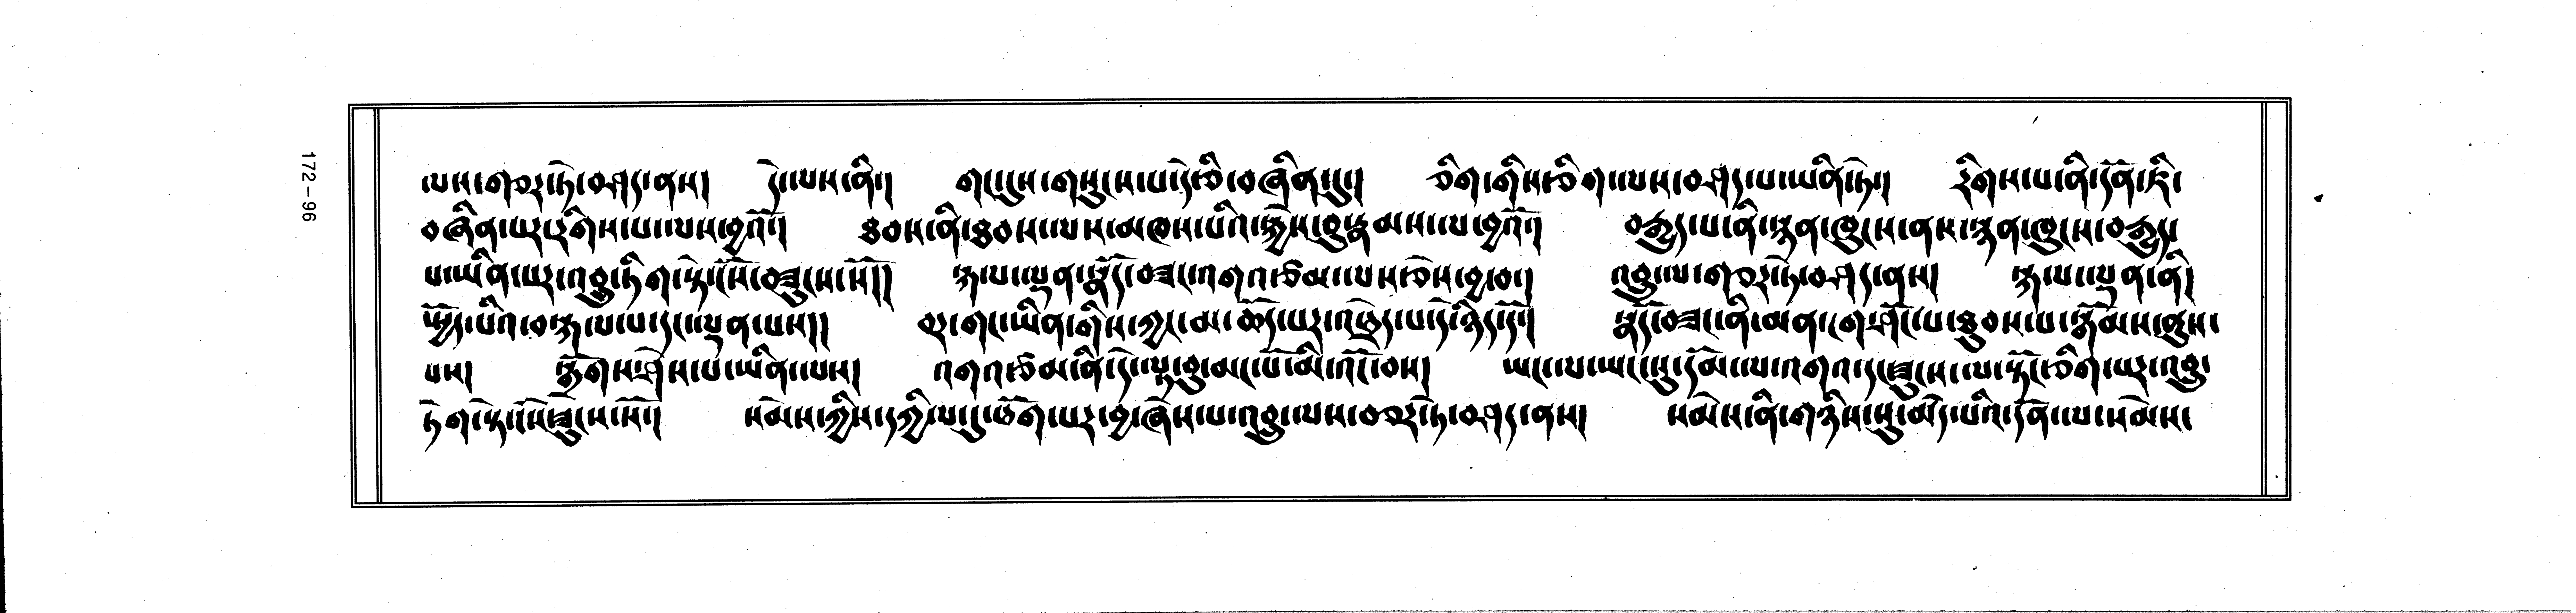ལས་གཅར་ཏེ་བཤད་ནས། དེ་ལས་ནི། གང་དུས་གསུངས་པ་དེ་ཅི་བཞིན་དུ། ཅིག་གིས་ཅིག་ལས་བཤད་པ་ཡིན་ཏེ། རིགས་པ་ནི་དོན་ཇི་
བཞིན་པར་རིགས་པ་ལས་བྱའོ། ཐབས་ནི་ཐབས་ལས་མཁས་པའི་སྐྱེས་བུ་རྣམས་ལ་བྱའོ། བརྒྱུད་པ་ནི་སྙན་ཁུངས་ནས་སྙན་ཁུངས་བརྒྱུད་
པ་ཡིན་པར་འབྲུ་ཏིག་སྟེ་ངོས་བཟུངས་སྭོ། སྐལ་ལྡན་སྣོད་བཟང་འགའ་ཙམ་ལས་ཅེས་བྱ་བ། འབྲུ་ལ་གཅར་ཏེ་བཤད་ནས། སྐལ་ལྡན་ནི། 
སྤྱོད་པའི་བསྐལ་པ་དང་ལྡན་པས། བར་གང་ཡིན་གིས་ཀྱང་མ་ཆོད་པར་འཕྲེད་པ་དེ་ཉིད་དོ། སྣོད་བཟང་ནི་མན་ངག་ཤོང་པ་ཐུབས་པ་སྒོམས་ནུས་
པས། སྒྲོགས་ཤེས་པ་ཡིན་ལས། འགའ་ཙམ་ནི་དེ་ལྟ་བུ་མང་པོ་མི་འོང་བས། ཡང་ལ་ཡང་སུ་དོམ་ལ་འགའ་དང་ཟུངས་ལ་སྟོང་ཅིག་པར་འབྲུ་
ཏིག་སྟེ་ངོས་ཟུངས་སྭོ། སེམས་ཀྱིས་དཀྱིལ་དུ་ཕོག་པར་བྱ་ཞེས་པ་འབྲུ་ལས་བཅར་ཏེ་བཤད་ནས། སེམས་ནི་གཉིས་སུ་མེད་པའི་དོན་ལ་སེམས་